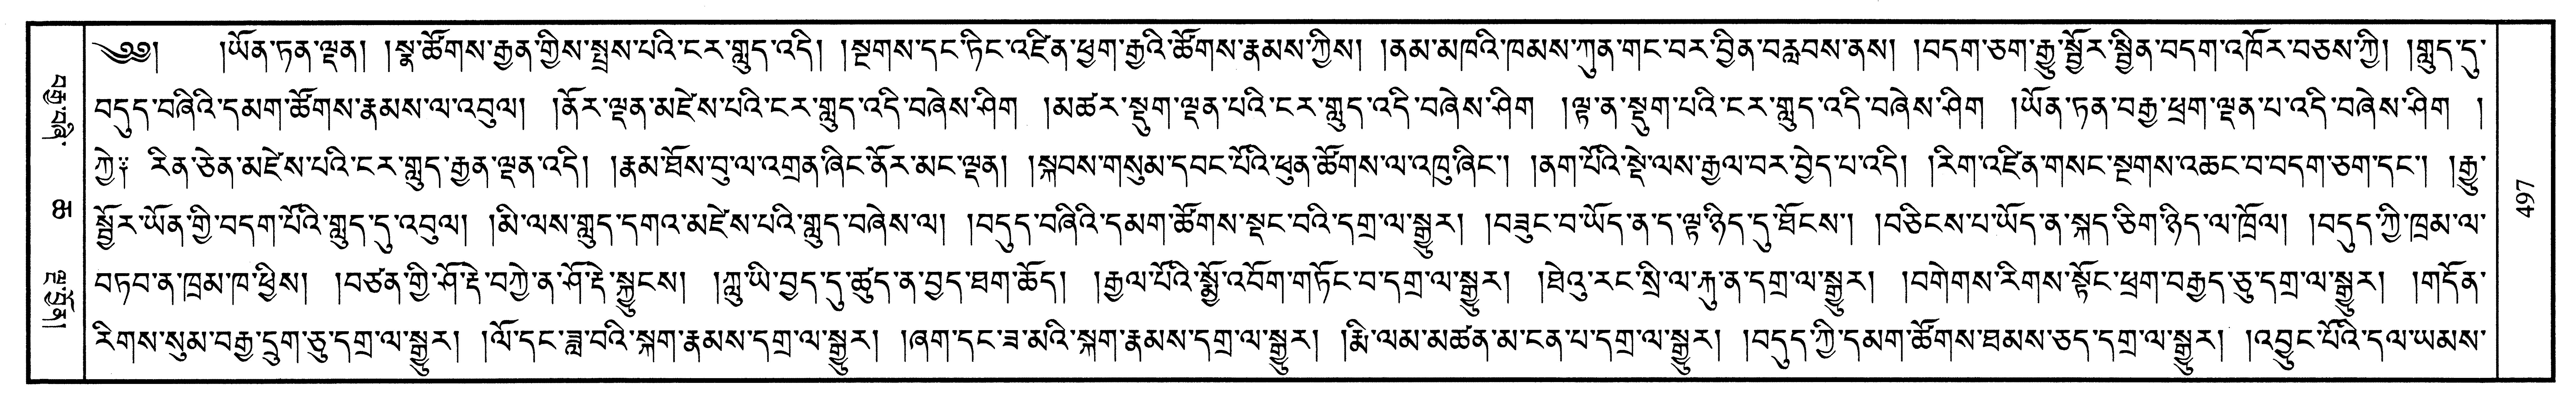༄༅། །ཡོན་ཏན་ལྡན། །སྣ་ཚོགས་རྒྱན་གྱིས་སྤྲས་པའི་ངར་གླུད་འདི། །སྔགས་དང་ཏིང་འཛིན་ཕྱག་རྒྱའི་ཚོགས་རྣམས་ཀྱིས། །ནམ་མཁའི་ཁམས་ཀུན་གང་བར་བྱིན་བརླབས་ནས། །བདག་ཅག་རྒྱུ་སྦྱོར་སྦྱིན་བདག་འཁོར་བཅས་ཀྱི། །གླུད་དུ་
བདུད་བཞིའི་དམག་ཚོགས་རྣམས་ལ་འབུལ། །ནོར་ལྡན་མཛེས་པའི་ངར་གླུད་འདི་བཞེས་ཤིག །མཚར་སྡུག་ལྡན་པའི་ངར་གླུད་འདི་བཞེས་ཤིག །ལྟ་ན་སྡུག་པའི་ངར་གླུད་འདི་བཞེས་ཤིག །ཡོན་ཏན་བརྒྱ་ཕྲག་ལྡན་པ་འདི་བཞེས་ཤིག །
ཀྱེ༈ རིན་ཅེན་མཛེས་པའི་ངར་གླུད་རྒྱན་ལྡན་འདི། །རྣམ་ཐོས་བུ་ལ་འགྲན་ཞིང་ནོར་མང་ལྡན། སྐབས་གསུམ་དབང་པོའི་ཕུན་ཚོགས་ལ་འཁུ་ཞིང་། །ནག་པོའི་སྡེ་ལས་རྒྱལ་བར་བྱེད་པ་འདི། །རིག་འཛིན་གསང་སྔགས་འཆང་བ་བདག་ཅག་དང་། །རྒྱུ་
སྦྱོར་ཡོན་གྱི་བདག་པོའི་གླུད་དུ་འབུལ། །མི་ལས་གླུད་དགའ་མཛེས་པའི་གླུད་བཞེས་ལ། །བདུད་བཞིའི་དམག་ཚོགས་སྡང་བའི་དགྲ་ལ་སྒྱུར། །བཟུང་བ་ཡོད་ན་ད་ལྟ་ཉིད་དུ་ཐོངས། །བཅིངས་པ་ཡོད་ན་སྐད་ཅིག་ཉིད་ལ་ཁྲོལ། །བདུད་ཀྱི་ཁྲམ་ལ་
བཏབ་ན་ཁྲམ་ཁ་ཕྱིས། །བཙན་གྱི་ཤོ་རྡེ་བཀྱེ་ན་ཤོ་རྡེ་སྐྱུངས། །ཀླུ་ཡི་བྱད་དུ་ཚུད་ན་བྱད་ཐག་ཆོད། །རྒྱལ་པོའི་སྨྱོ་འབོག་གཏོང་བ་དགྲ་ལ་སྒྱུར། །ཐེའུ་རང་སྲི་ལ་རྐུ་ན་དགྲ་ལ་སྒྱུར། །བགེགས་རིགས་སྟོང་ཕྲག་བརྒྱད་ཅུ་དགྲ་ལ་སྒྱུར། །གདོན་
རིགས་སུམ་བརྒྱ་དྲུག་ཅུ་དགྲ་ལ་སྒྱུར། །ལོ་དང་ཟླ་བའི་སྐག་རྣམས་དགྲ་ལ་སྒྱུར། །ཞག་དང་ཟ་མའི་སྐག་རྣམས་དགྲ་ལ་སྒྱུར། །རྨི་ལམ་མཚན་མ་ངན་པ་དགྲ་ལ་སྒྱུར། །བདུད་ཀྱི་དམག་ཚོགས་ཐམས་ཅད་དགྲ་ལ་སྒྱུར། །འབྱུང་པོའི་དལ་ཡམས་